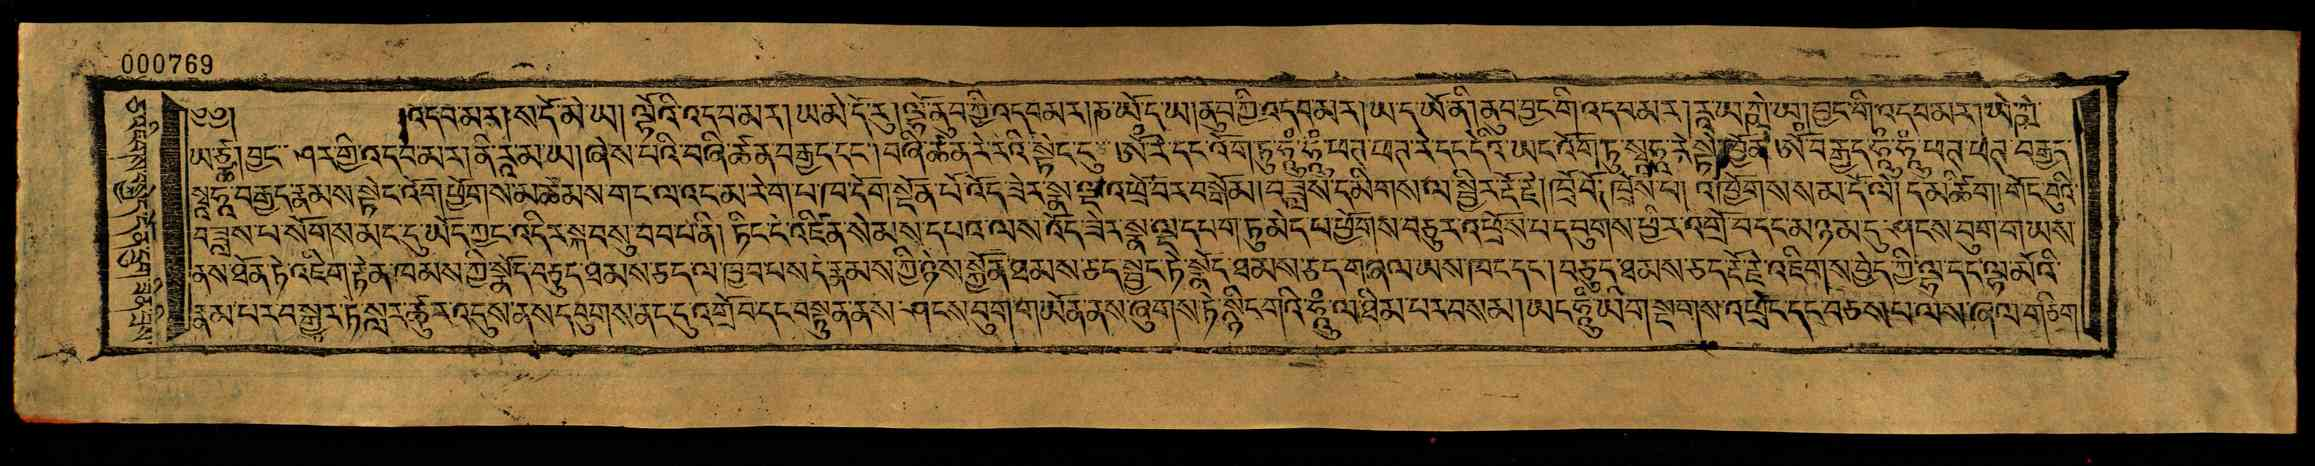༄༅། །འདབ་མར། ས་དོ་མེ་ཡ། ལྷོའི་འདབ་མར། ཡ་མེ་དོ་རུ། ལྷོ་ནུབ་ཀྱི་འདབ་མར། ཎ་ཡོ་ད་ཡ། ནུབ་ཀྱི་འདབ་མར། ཡ་ད་ཡོ་ནི། ནུབ་བྱང་གི་འདབ་མར། རཱ་ཡ་ཀྵེ་ཡ། བྱང་གི་འདབ་མར། ཡ་ཀྵེ་
ཡཙྪ། བྱང་ཤར་གྱི་འདབ་མར། ནི་རཱ་མ་ཡ། ཞེས་པའི་བཞི་མཚན་བརྒྱད་དང་། བཞི་ཚན་རེ་རེའི་སྟེང་དུ་ཨོཾ་རེ་དང་འོག་ཏུ་ཧཱུཾ་ཧཱུཾ་ཕཊ་ཕཊ་རེ་དང་དེའི་ཡང་འོག་ཏུ་སྭཱ་ཧཱ་རེ་སྟེ་ཁྱོན་ཨོཾ་བརྒྱད་ཧཱུཾ་ཧཱུཾ་ཕཊ་ཕཊ་བརྒྱད་
སྭཱ་ཧཱ་བརྒྱད་རྣམས་སྟེང་འོག་ཕྱོགས་མཚམས་གང་ལའང་མ་རེག་པ་ཁ་དོག་སྔོན་པོ་འོད་ཟེར་སྣ་ལྔ་འཕྲོ་བར་བསྒོམ། བཟླས་དམིགས་ལ་སྤྱིར་རྡོ་རྗེ། ཁྲོ་བོ༑ ཁྲོས་པ། འཁྱོགས་སམ་དོ་ལེ། དམ་ཚིག །གོང་བུའི་
བཟླས་པ་སོགས་མང་དུ་ཡོད་ཀྱང་འདིར་སྐབས་སུ་བབ་པ་ནི། ཏིང་ངེ་འཛིན་སེམས་དཔའ་ལས་འོད་ཟེར་སྣ་ལྔ་དཔག་ཏུ་མེད་པ་ཕྱོགས་བཅུར་འཕྲོས་པ་དབུགས་ཕྱིར་འགྲོ་བ་དང་མཉམ་དུ་ཤངས་བུག་གཡས་
ནས་ཐོན་ཏེ་འཇིག་རྟེན་ཁམས་ཀྱི་སྣོད་བཅུད་ཐམས་ཅད་ལ་ཁྱབ་པས་དེ་རྣམས་ཀྱི་ཉེས་སྐྱོན་ཐམས་ཅད་སྦྱངས་ཏེ་སྣོད་ཐམས་ཅད་གཞལ་ཡས་ཁང་དང་། བཅུད་ཐམས་ཅད་རྡོ་རྗེ་འཇིགས་བྱེད་ཀྱི་ལྷ་དང་ལྷ་མོའི་
རྣམ་པར་བསྒྱུར་ཏེ་སླར་ཚུར་འདུས་ནས་དབུགས་ནང་དུ་འགྲོ་བ་དང་བསྟུན་ནས་ཤངས་བུག་གཡོན་ནས་ཞུགས་ཏེ་སྙིང་གའི་ཧཱུཾ་ལ་ཐིམ་པར་བསམ། ཡང་ཧཱུཾ་ཡིག་སྔགས་འཕྲེང་དང་བཅས་པ་ལས་ཞལ་གཅིག་